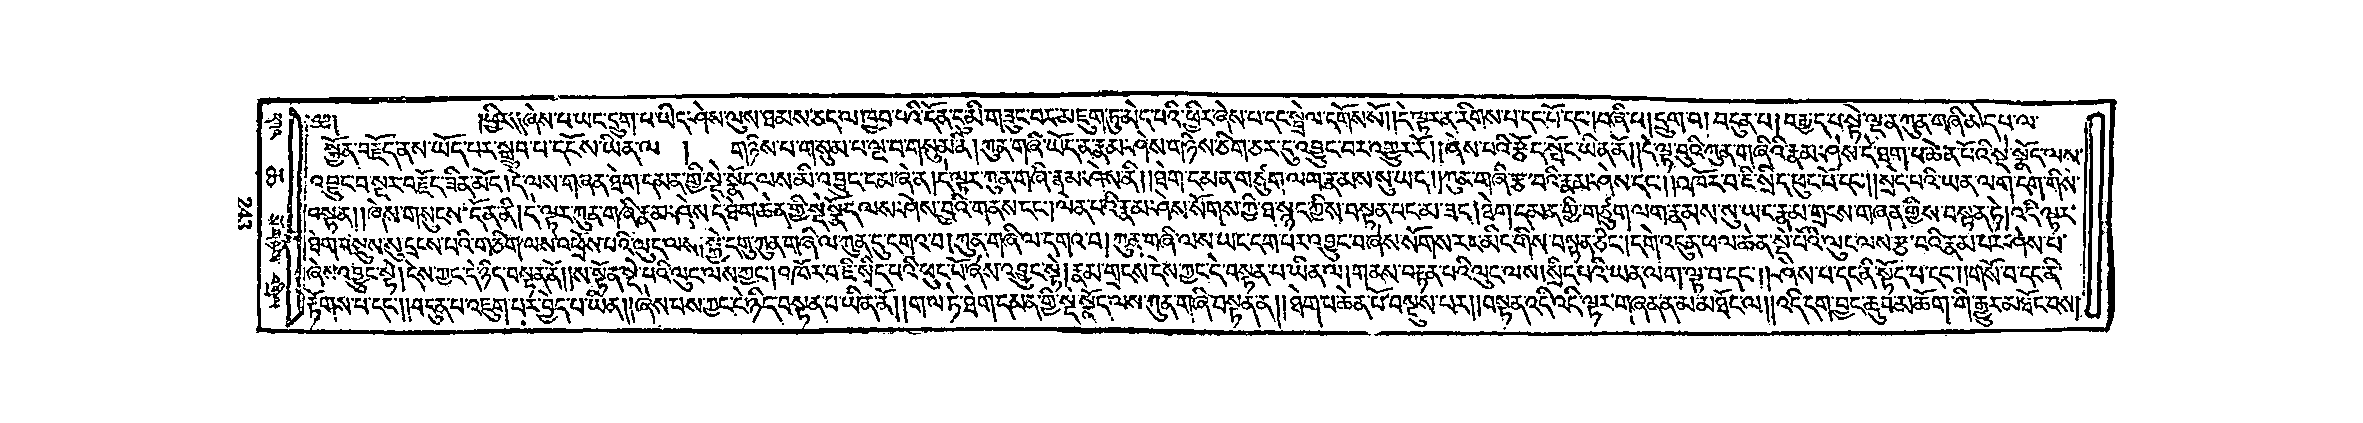༄༅། །ཕྱིར། ཞེས་པ་ཡང་དྲུག་པ་ཡིད་ཤེས་ལུས་ཐམས་ཅད་ལ་ཁྱབ་པའི་དོན་དུ་མི་གཟུང་བར་མཇུག་ཏུ་མེད་པའི་ཕྱིར་ཞེས་པ་དང་སྦྲེལ་དགོས་སོ། །དེ་ལྟར་ན་རིགས་པ་དང་པོ་དང་། བཞི་པ། དྲུག་པ། བདུན་པ། བརྒྱད་པ་སྟེ་ལྡན་ཀུན་གཞི་མེད་པ་ལ་
སྐྱོན་བརྗོད་ནས་ཡོད་པར་སྒྲུབ་པ་དངོས་ཡིན་ལ། གཉིས་པ་གསུམ་པ་ལྔ་བ་གསུམ་ནི། ཀུན་གཞི་ཡོད་ན་རྣམ་ཤེས་གཉིས་ཅིག་ཅར་དུ་འབྱུང་བར་འགྱུར་རོ། །ཞེས་པའི་རྩོད་སྤོང་ཡིན་ནོ། །དེ་ལྟ་བུའི་ཀུན་གཞིའི་རྣམ་ཤེས་དེ་ཐག་པ་ཆེན་པོའི་སྡེ་སྣོད་ལས་
འབྱུང་བ་སྔར་བརྗོད་ཟིན་མོད། དེ་ལས་གཞན་ཐེག་དམན་གྱི་སྡེ་སྣོད་ལས་མི་འབྱུང་ངམ་ཞེ་ན། དེ་ལྟར་ཀུན་གཞི་རྣམ་ཤེས་ནི། །ཐེག་དམན་གཙུག་ལག་རྣམས་སུ་ཡང་། །ཀུན་གཞི་རྩ་བའི་རྣམ་ཤེས་དང་། །འཁོར་བ་ཇི་སྲིད་ཕུང་པོ་དང་། །སྲིད་པའི་ཡན་ལག་དག་གིས་
བསྟན། །ཞེས་གསུངས་དོན་ནི། དེ་ལྟར་ཀུན་གཞི་རྣམ་ཤེས་དེ་ཐེག་ཆེན་གྱི་སྡེ་སྣོད་ལས་ཤེས་བྱའི་གནས་དང་། ལེན་པའི་རྣམ་ཤེས་སོགས་ཀྱི་ཐ་སྙད་ཀྱིས་བསྟན་པད་མ་ཟད། ཐེག་དམན་གྱི་གཙུག་ལག་རྣམས་སུ་ཡང་རྣམ་གྲངས་གཞན་གྱིས་བསྟན་ཏེ། འདི་ལྟར་
ཐེག་བསྡུས་སུ་དྲངས་པའི་གཅིག་ལས་འཕྲོས་པའི་ལུད་ལས། སྐྱེ་དགུ་ཀུན་གཞི་ལ་ཀུན་དུ་དགའ་བ། ཀུན་གཞི་ལ་དགའ་བ། ཀུན་གཞི་ལས་ཡང་དག་པར་འབྱུང་བ་ཞེས་སོགས་རང་མིང་གིས་བསྟན་ཅིང་། དགེ་འདུན་ཕལ་ཆེན་སྡེ་པོའི་ལུང་ལས་རྩ་བའི་རྣམ་པར་ཤེས་པ་
ཞེས་འབྱུང་སྟེ། དེས་ཀྱང་དེ་ཉིད་བསྟན་ནོ། །ས་སྟོན་སྡེ་པའི་ལུང་ལས་ཀྱང་། འཁོར་བ་ཇི་སྲིད་པའི་ཕུང་པོ་ཞེས་འབྱུང་སྟེ། རྣམ་གྲངས་དེས་ཀྱང་དེ་བསྟན་པ་ཡིན་ལ། གནས་བརྟན་པའི་ལུང་ལས། སྲིད་པའི་ཡན་ལག་ལྟ་བ་དང་། །ཤེས་པ་དང་ནི་སྟོད་པ་དང་། །གསོ་བ་དང་ནི་
རྟོགས་པ་དང་། །བདུན་པ་འཇུག་པར་བྱེད་པ་ཡིན། །ཞེས་པས་ཀྱང་དེ་ཉིད་བསྟན་པ་ཡིན་ནོ། །གལ་ཏེ་ཐེག་དམན་གྱི་སྡེ་སྣོད་ལས་ཀུན་གཞི་བསྟན་ན། །ཐེག་པ་ཆེན་པོ་བསྡུས་པར། །བསྟན་འདི་འདི་ལྟར་གཞན་ན་མ་མཐོང་ལ། །འདི་དག་བྱང་ཆུབ་མཆོག་གི་རྒྱུར་མཐོང་བས།